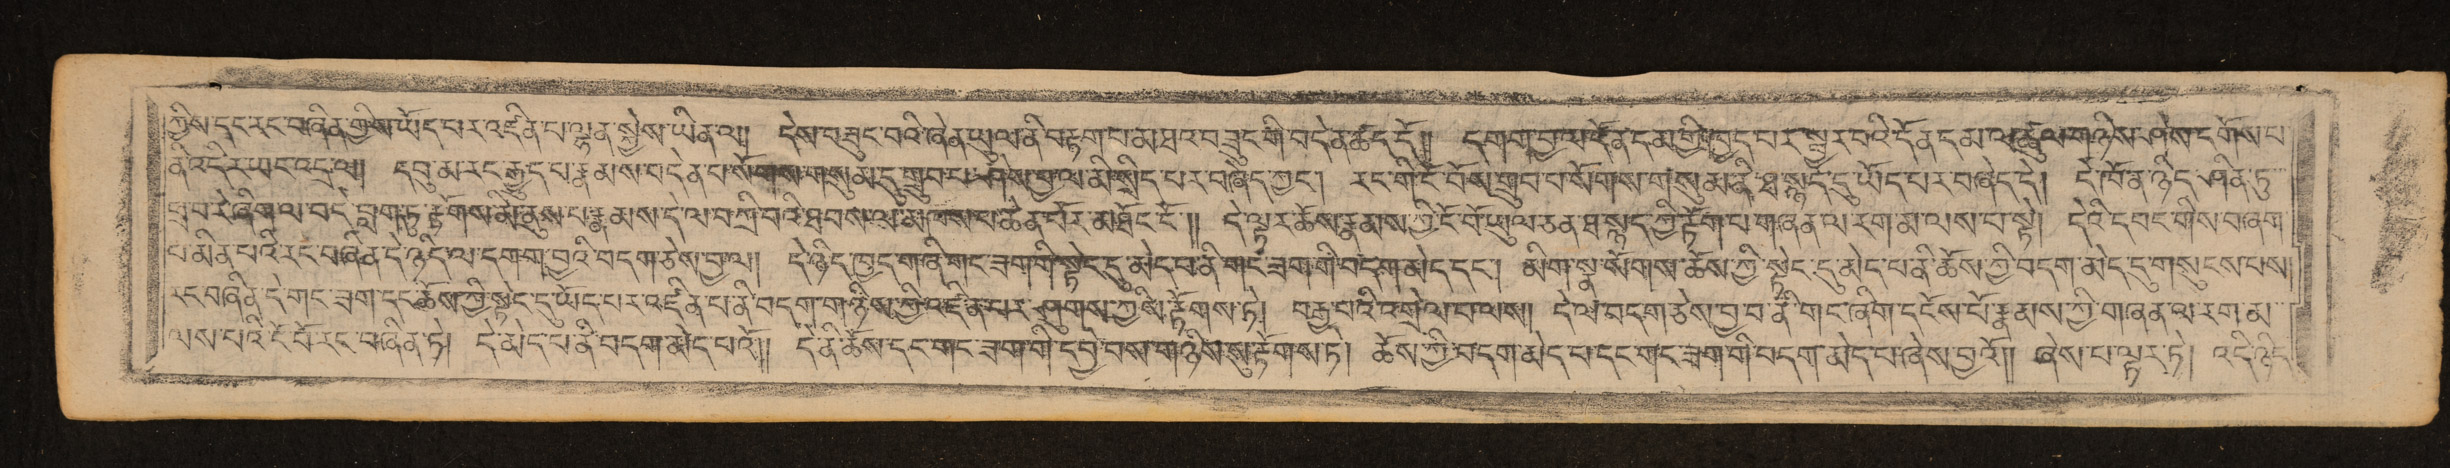ཀྱིས་དང་རང་བཞིན་གྱིས་ཡོད་པར་འཛིན་པ་ལྷན་སྐྱེས་ཡིན་ལ། དེས་བཟུང་བའི་ཞེན་ཡུལ་ནི་བརྟག་པ་མཐའ་བཟུང་གི་བདེན་ཚད་དོ།། དགག་བྱ་ལ་དོན་དམ་གྱི་ཁྱད་པར་སྦྱར་བའི་དོན་དམ་ལ་ཚུལ་གཉིས་ཤེས་དགོས་པ་
ནི་འདིར་ཡང་འདྲ་ལ། དབུ་མ་རང་རྒྱུད་པ་རྣམས་བདེན་པ་སོགས་གསུམ་དུ་གྲུབ་པ་ཤེས་བྱ་ལ་མི་སྲིད་པར་བཞེད་ཀྱང་། རང་གི་ངོ་བོས་གྲུབ་པ་སོགས་གསུམ་ནི་ཐ་སྙད་དུ་ཡོད་པར་བཞེད་དེ། དེ་ཁོ་ན་ཉིད་ཤིན་ཏུ་
ཕྲ་བ་རེ་ཞིག་ལ་བདེ་བླག་ཏུ་རྟོགས་མི་ནུས་པ་རྣམས་དེ་ལ་བཀྲི་བའི་ཐབས་ལ་མཁས་པ་ཆེན་པོར་མཐོང་ངོ།། དེ་ལྟར་ཆོས་རྣམས་ཀྱི་ངེ་བོ་ཡུལ་ཅན་ཐ་སྙད་ཀྱི་རྟོག་པ་གཞན་ལ་རག་མ་ལས་པ་སྟེ། དེའི་དབང་གིས་བཞག་
པ་མིན་པའི་རང་བཞིན་དེ་ཉིད་ལ་དགག་བྱའི་བདག་ཅེས་བྱ་ལ། དེ་ཉིད་ཁྱད་གཞི་གང་ཟག་གི་སྟེང་དུ་མེད་པ་ནི་གང་ཟག་གི་བདག་མེད་དང་། མིག་སྣ་སོགས་ཆོས་ཀྱི་སྟེང་དུ་མེད་པ་ནི་ཆོས་ཀྱི་བདག་མེད་དུ་གསུངས་པས།
རང་བཞིན་དེ་གང་ཟག་དང་ཆོས་ཀྱི་སྟེང་དུ་ཡོད་པར་འཛིན་པ་ནི་བདག་གཉིས་ཀྱི་འཛིན་པར་ཤུགས་ཀྱིས་རྟོགས་ཏེ། བརྒྱ་པའི་འགྲེལ་པ་ལས། དེ་ལ་བདག་ཅེས་བྱ་བ་ནི་གང་ཞིག་དངོས་པོ་རྣམས་ཀྱི་གཞན་ལ་རག་མ་
ལས་པའི་ངོ་བོ་རང་བཞིན་ཏེ། དེ་མེད་པ་ནི་བདག་མེད་པའོ།། དེ་ནི་ཆོས་དང་གང་ཟག་གི་དབྱེ་བས་གཉིས་སུ་རྟོགས་ཏེ། ཆོས་ཀྱི་བདག་མེད་པ་དང་གང་ཟག་གི་བདག་མེད་པ་ཞེས་བྱའོ།། ཞེས་པ་ལྟར་སྟེ། འདི་ཉིད་